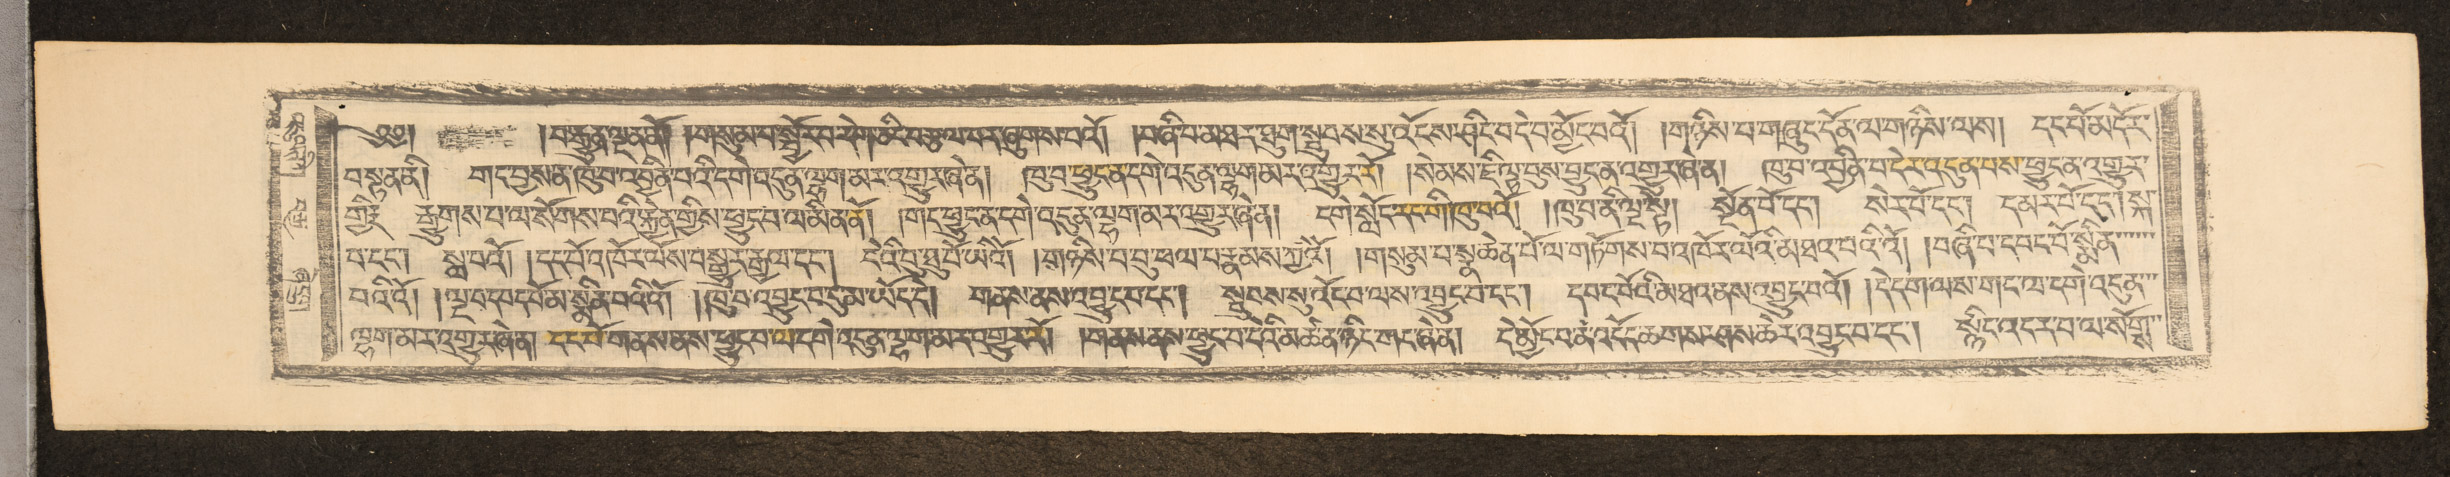༄༅། །པ་རྒྱུན་ལྡན་ནོ། །གསུམ་པ་སྦྱོར་བ་རེག་ཅིང་བརྩལ་བར་ཞུགས་པའོ། །བཞི་པ་མཐར་ཐུག་སྦུབས་སུ་འོངས་ཤིང་བདེ་བ་མྱོང་བའོ། །གཉིས་པ་གཞུང་དོན་ལ་གཉིས་ལས། དང་པོ་མདོར་
བསྟན་ནི། གང་བྱས་ན་ཁུ་བ་འབྱིན་པའི་དགེ་འདུན་ལྷག་མར་འགྱུར་ཞེ་ན། ཁུ་བ་ཕྱུང་ན་དགེ་འདུན་ལྷག་མར་འགྱུར་རོ། །སེམས་ཇི་ལྟ་བུས་བྱུང་ན་འགྱུར་ཞེ་ན། ཁུ་བ་འབྱིན་པ་དེར་འདུན་པས་ཕྱུང་ན་འགྱུར་
གྱི༑ རྒྱུགས་པ་ལ་སོགས་པའི་རྐྱེན་གྱིས་ཕྱུང་བ་ལ་མིན་ནོ། །གང་ཕྱུང་ན་དགེ་འདུན་ལྷག་མར་འགྱུར་ཞེ་ན། དགེ་སློང་རང་གི་ཁུ་བའོ། །ཁུ་བ་ནི་ལྔ་སྟེ། སྔོན་པོ་དང་། སེར་པོ་དང་། དམར་པོ་དང་། སྐ་
བ་དང་། སླ་བའོ། །དང་པོ་འཁོར་ལོས་བསྒྱུར་རྒྱལ་དང་། དེའི་བུ་ཐུ་བོ་ཡིའོ། །གཉིས་པ་བུ་ཕལ་པ་རྣམས་ཀྱིའོ། །གསུམ་པ་སྣ་ཆེན་པོ་ལ་གཏོགས་པ་འཁོར་ལོའི་མཐའ་པའིའོ། །བཞི་པ་དབང་པོ་སྨིན་
པའིའོ། །ལྔ་བ་དབང་བོ་མ་སྨིན་པའིའོ། །ཁུ་བ་འབྱུང་བ་དུ་མ་ཡོད་དེ། གནས་ནས་འབྱུང་བ་དང་། སྦུབས་སུ་འོང་བ་ལས་འབྱུང་བ་དང་། དབང་པོའི་མཐའ་ནས་འབྱུང་བའོ། །དེ་དག་ལས་གང་ལ་དགེ་འདུན་
ལྷག་མར་འགྱུར་ཞེ་ན། དང་པོ་གནས་ནས་ཕྱུང་བ་ལ་དགེ་འདུན་ལྷག་མར་འགྱུར་རོ། །གནས་ནས་ཕྱུང་བ་དེའི་མཚན་ཉིད་གང་ཞེ་ན། དེ་མྱོང་བ་ན་འདོད་ཆགས་ཤས་ཆེར་འབྱུང་བ་དང་། སྙིང་འདར་བ་ལ་སོགས་